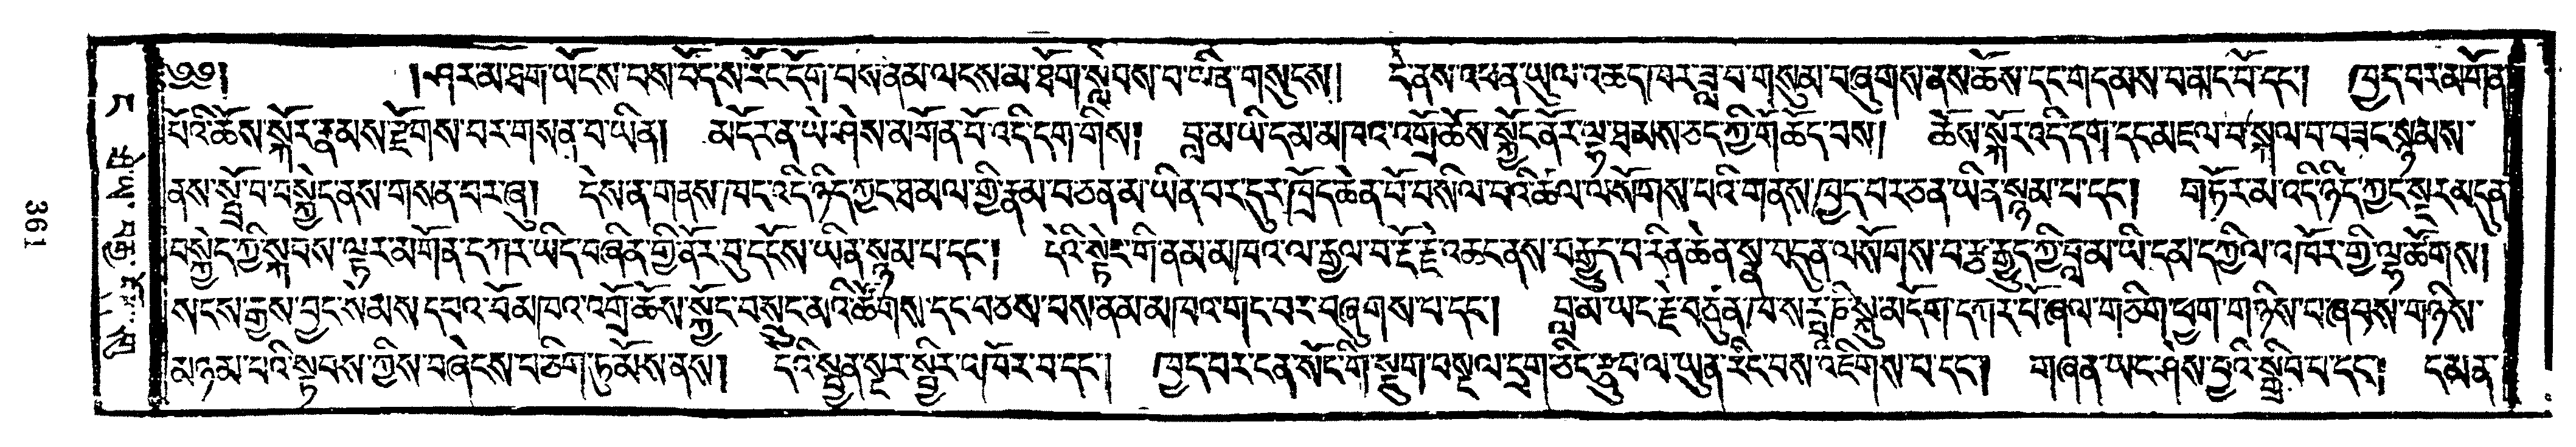༄༅། །ཤར་མ་ཐག་ཡོངས་བས་བོད་ས་རོང་དོག་བས་ནམ་ལངས་མ་ཐོག་སླེབས་པ་ཡིན་གསུངས། དེ་ནས་འཕན་ཡུལ་འཆད་ཁར་ཟླ་བ་གསུམ་བཞུགས་ནས་ཆོས་དང་གདམས་པ་མང་པོ་དང་། ཁྱད་བར་མགོན་
པོའི་ཆོས་སྐོར་རྣམས་རྫོགས་པར་གསན་པ་ཡིན། མདོར་ན་ཡེ་ཤེས་མགོན་པོ་འདི་དག་གིས། བླ་མ་ཡི་དམ་མཁའ་འགྲོ་ཆོས་སྐྱོང་ནོར་ལྷ་ཐམས་ཅད་ཀྱི་གོ་ཆོད་བས། ཆོས་སྐོར་འདི་དག་དང་མཇལ་བ་སྐལ་བ་བཟང་སྙམས་
ནས་སྤྲོ་བ་བསྐྱེད་ནས་གསན་བར་ཞུ། དེས་ན་གནས་ཁང་འདི་ཉིད་ཀྱང་ཐ་མལ་གྱི་རྣམ་པ་ཅན་མ་ཡིན་པར་དུར་ཁྲོད་ཆེན་པོ་བསིལ་པའི་ཚལ་ལ་སོགས་པའི་གནས་ཁྱད་པར་ཅན་ཡིན་སྙམ་པ་དང་། གཏོར་མ་འདི་ཉིད་ཀྱང་སྔར་མདུན་
བསྐྱེད་ཀྱི་སྐབས་ལྟར་མགོན་དཀར་ཡིད་བཞིན་གྱི་ནོར་བུ་དངོས་ཡིན་སྙམ་པ་དང་། དེའི་སྟེང་གི་ནམ་མཁའ་ལ་རྒྱལ་པ་རྡོ་རྗེ་འཆང་ནས་བརྒྱུད་པ་རིན་ཆེན་སྣ་བདུན་ལ་སོགས་པ་རྩ་རྒྱུད་ཀྱི་བླ་མ་ཡི་དམ་དཀྱིལ་འཁོར་གྱི་ལྷ་ཚོགས།
སངས་རྒྱས་བྱང་སེམས་དཔའ་བོ་མཁའ་འགྲོ་ཆོས་སྐྱོང་བསྲུང་མའི་ཚོགས་དང་བཅས་བས་ནམ་མཁའ་གང་བར་བཞུགས་པ་དང་། བླ་མ་ཡང་རྗེ་བཙུན་ཁ་སར་བཱ་ནི་སྐུ་མདོག་དཀར་པོ་ཞལ་གཅིག་ཕྱག་གཉིས་པ་ཞབས་གཉིས་
མཉམ་པའི་སྟབས་ཀྱིས་བཞེངས་པ་ཅིག་ཏུ་མོས་ནས། དེའི་སྦྱང་སྔར་སྤྱིར་འཁོར་བ་དང་། ཁྱད་བར་ངན་སོང་གི་སྡུག་བསྔལ་དྲག་ཅིང་རྩུ་བ་ལ་ཡུན་རིང་བས་འཇིགས་པ་དང་། གཞན་ཡང་ཤེས་བྱའི་སྒྲིབ་པ་དང་། དམན་